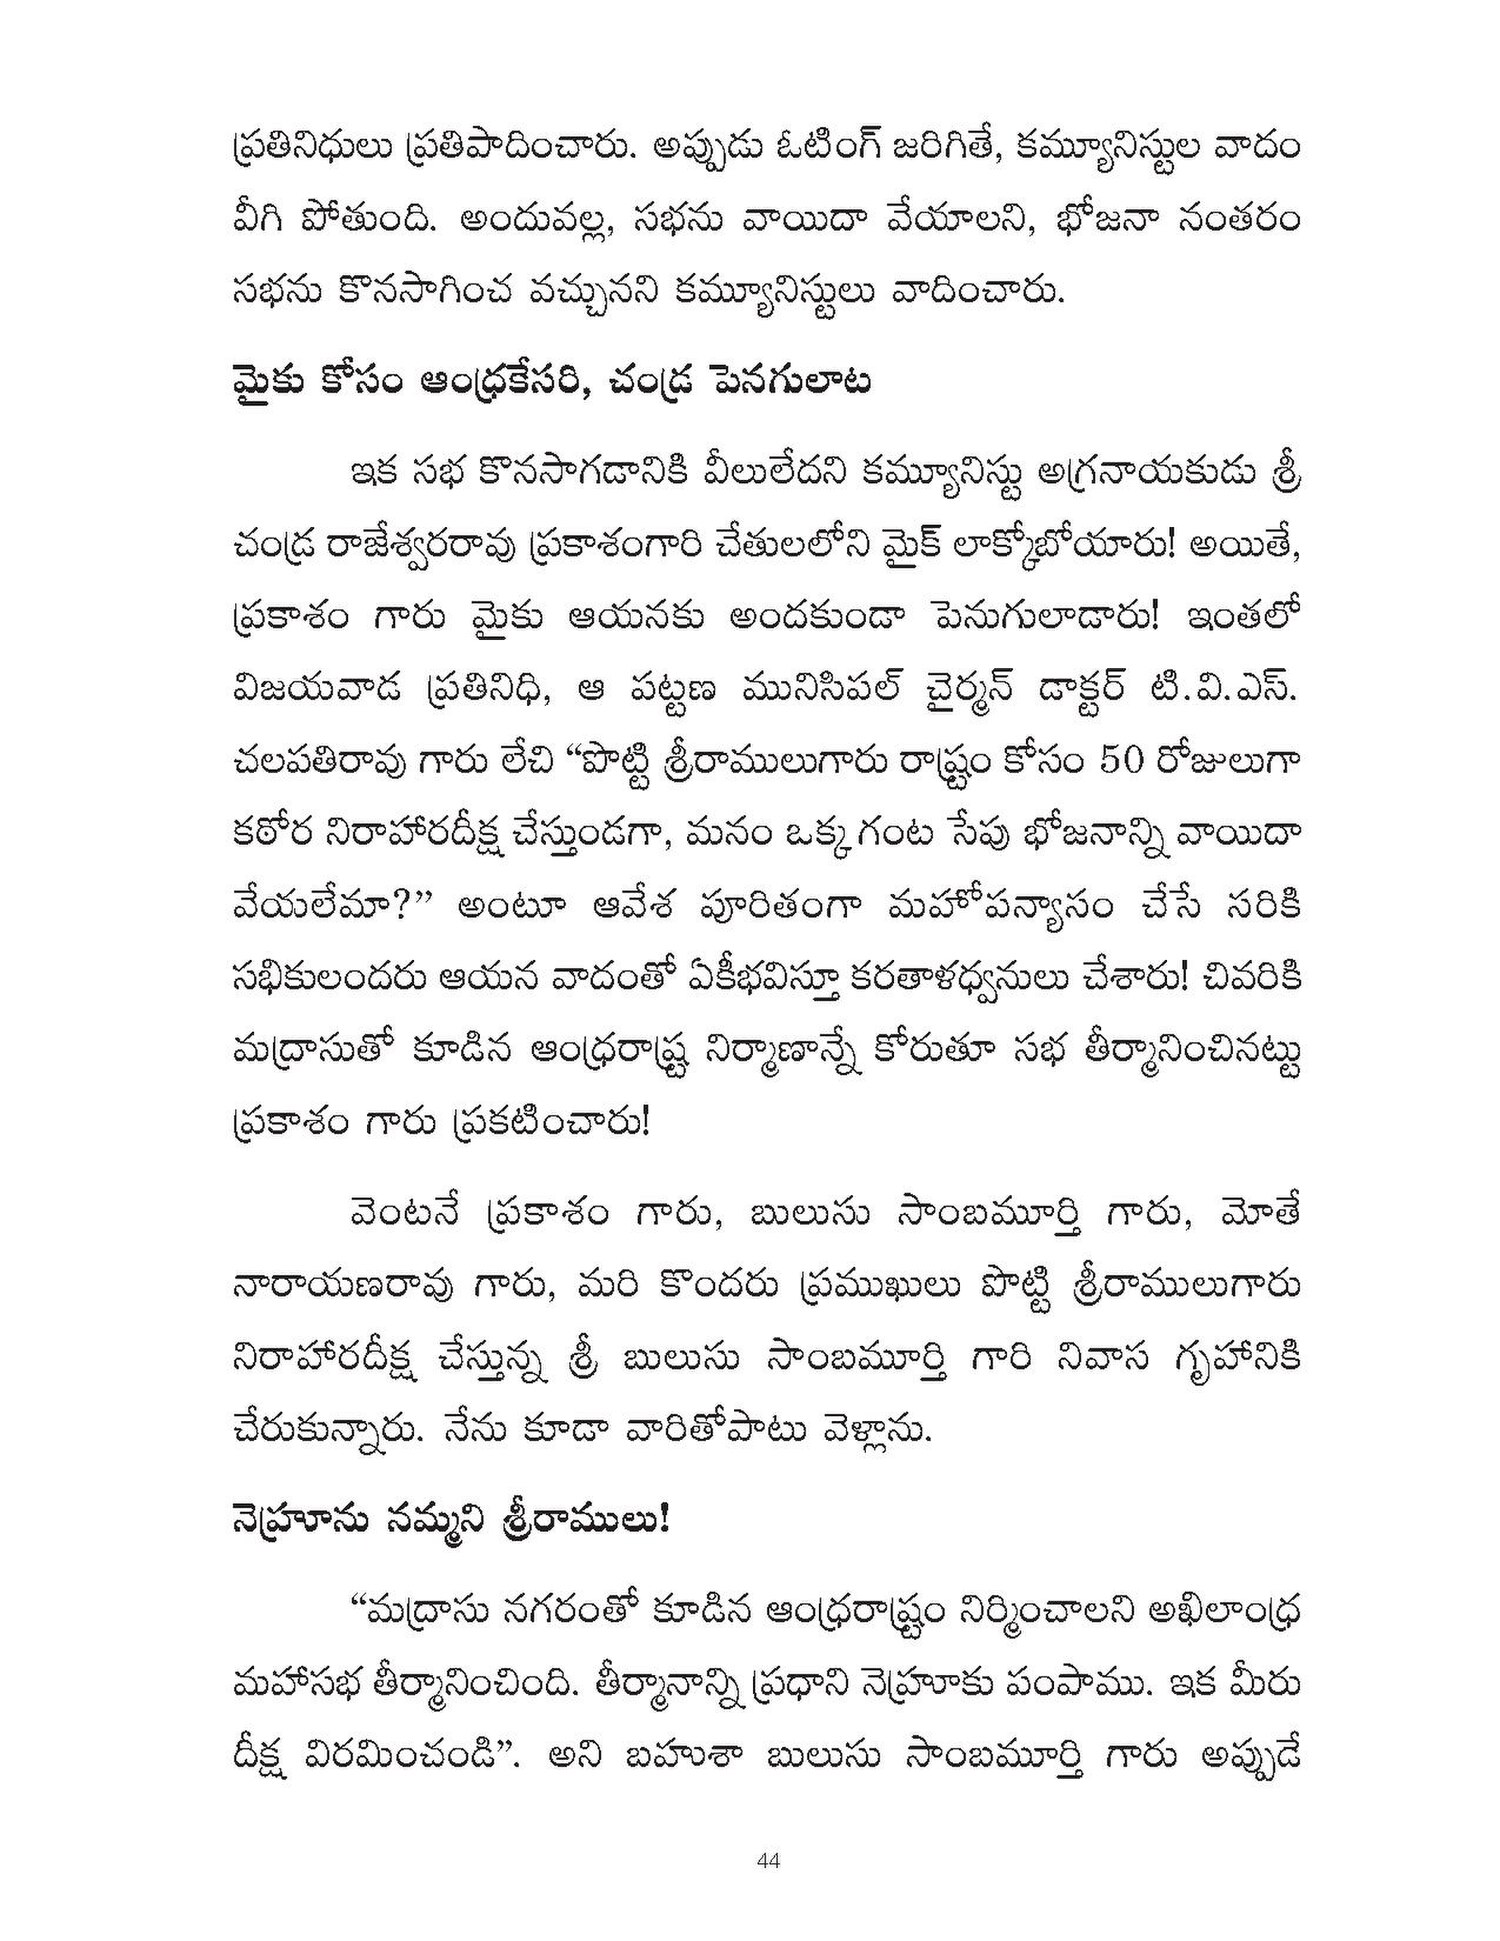ప్రతినిధులు ప్రతిపాదించారు. అప్పుడు ఓటింగ్‌ జరిగితే, కమ్యూనిస్టుల వాదం
వీగి పోతుంది. అందువల్ల, సభను వాయిదా వేయాలని, భోజనా నంతరం
సభను కొనసాగించ వచ్చునని కమ్యూనిస్టులు వాదించారు.

మైకు కోసం ఆంధ్రకేసరి, చండ్ర పెనగులాట

ఇక సభ కొనసాగడానికి వీలులేదని కమ్యూనిస్టు అగ్రనాయకుడు శ్రీ
చండ్ర రాజేశ్వరరావు ప్రకాశంగారి చేతులలోని మైక్‌ లాక్కోబోయారు! అయితే,
ప్రకాశం గారు మైకు ఆయనకు అందకుండా పెనుగులాడారు! ఇంతలో
విజయవాడ ప్రతినిధి, ఆ పట్టణ మునిసిపల్‌ చైర్మన్‌ డాక్టర్ టి.వి.ఎస్‌.
చలపతిరావు గారు లేచి "పొట్టి శ్రీరాములుగారు రాష్ట్రం కోసం 50 రోజులుగా
కఠోర నిరాహారదీక్ష చేస్తుండగా, మనం ఒక్క గంట సేపు భోజనాన్ని వాయిదా
వేయలేమా?" అంటూ ఆవేశ పూరితంగా మహోపన్యాసం చేసే సరికి
సభికులందరు ఆయన వాదంతో ఏకీభవిస్తూ కరతాళధ్వనులు చేశారు! చివరికి
మద్రాసుతో కూడిన ఆంధ్రరాష్ట్ర నిర్మాణాన్నే కోరుతూ సభ తీర్మానించినట్టు
ప్రకాశం గారు ప్రకటించారు!

వెంటనే ప్రకాశం గారు, బులుసు సాంబమూర్తి గారు, మోతే
నారాయణరావు గారు, మరి కొందరు ప్రముఖులు పొట్టి శ్రీరాములుగారు
నిరాహారదీక్ష చేస్తున్న శ్రీ బులుసు సాంబమూర్తి గారి నివాస గృహానికి
చేరుకున్నారు. నేను కూడా వారితోపాటు వెళ్లాను.

నెహ్రూను నమ్మని శ్రీరాములు!

"మద్రాసు నగరంతో కూడిన ఆంధ్రరాష్ట్రం నిర్మించాలని అఖిలాంధ్ర
మహాసభ తీర్మానించింది. తీర్మానాన్ని ప్రధాని నెహ్రూకు పంపాము. ఇక మీరు
దీక్ష విరమించండి". అని బహుశా బులుసు సాంబమూర్తి గారు అప్పుడే